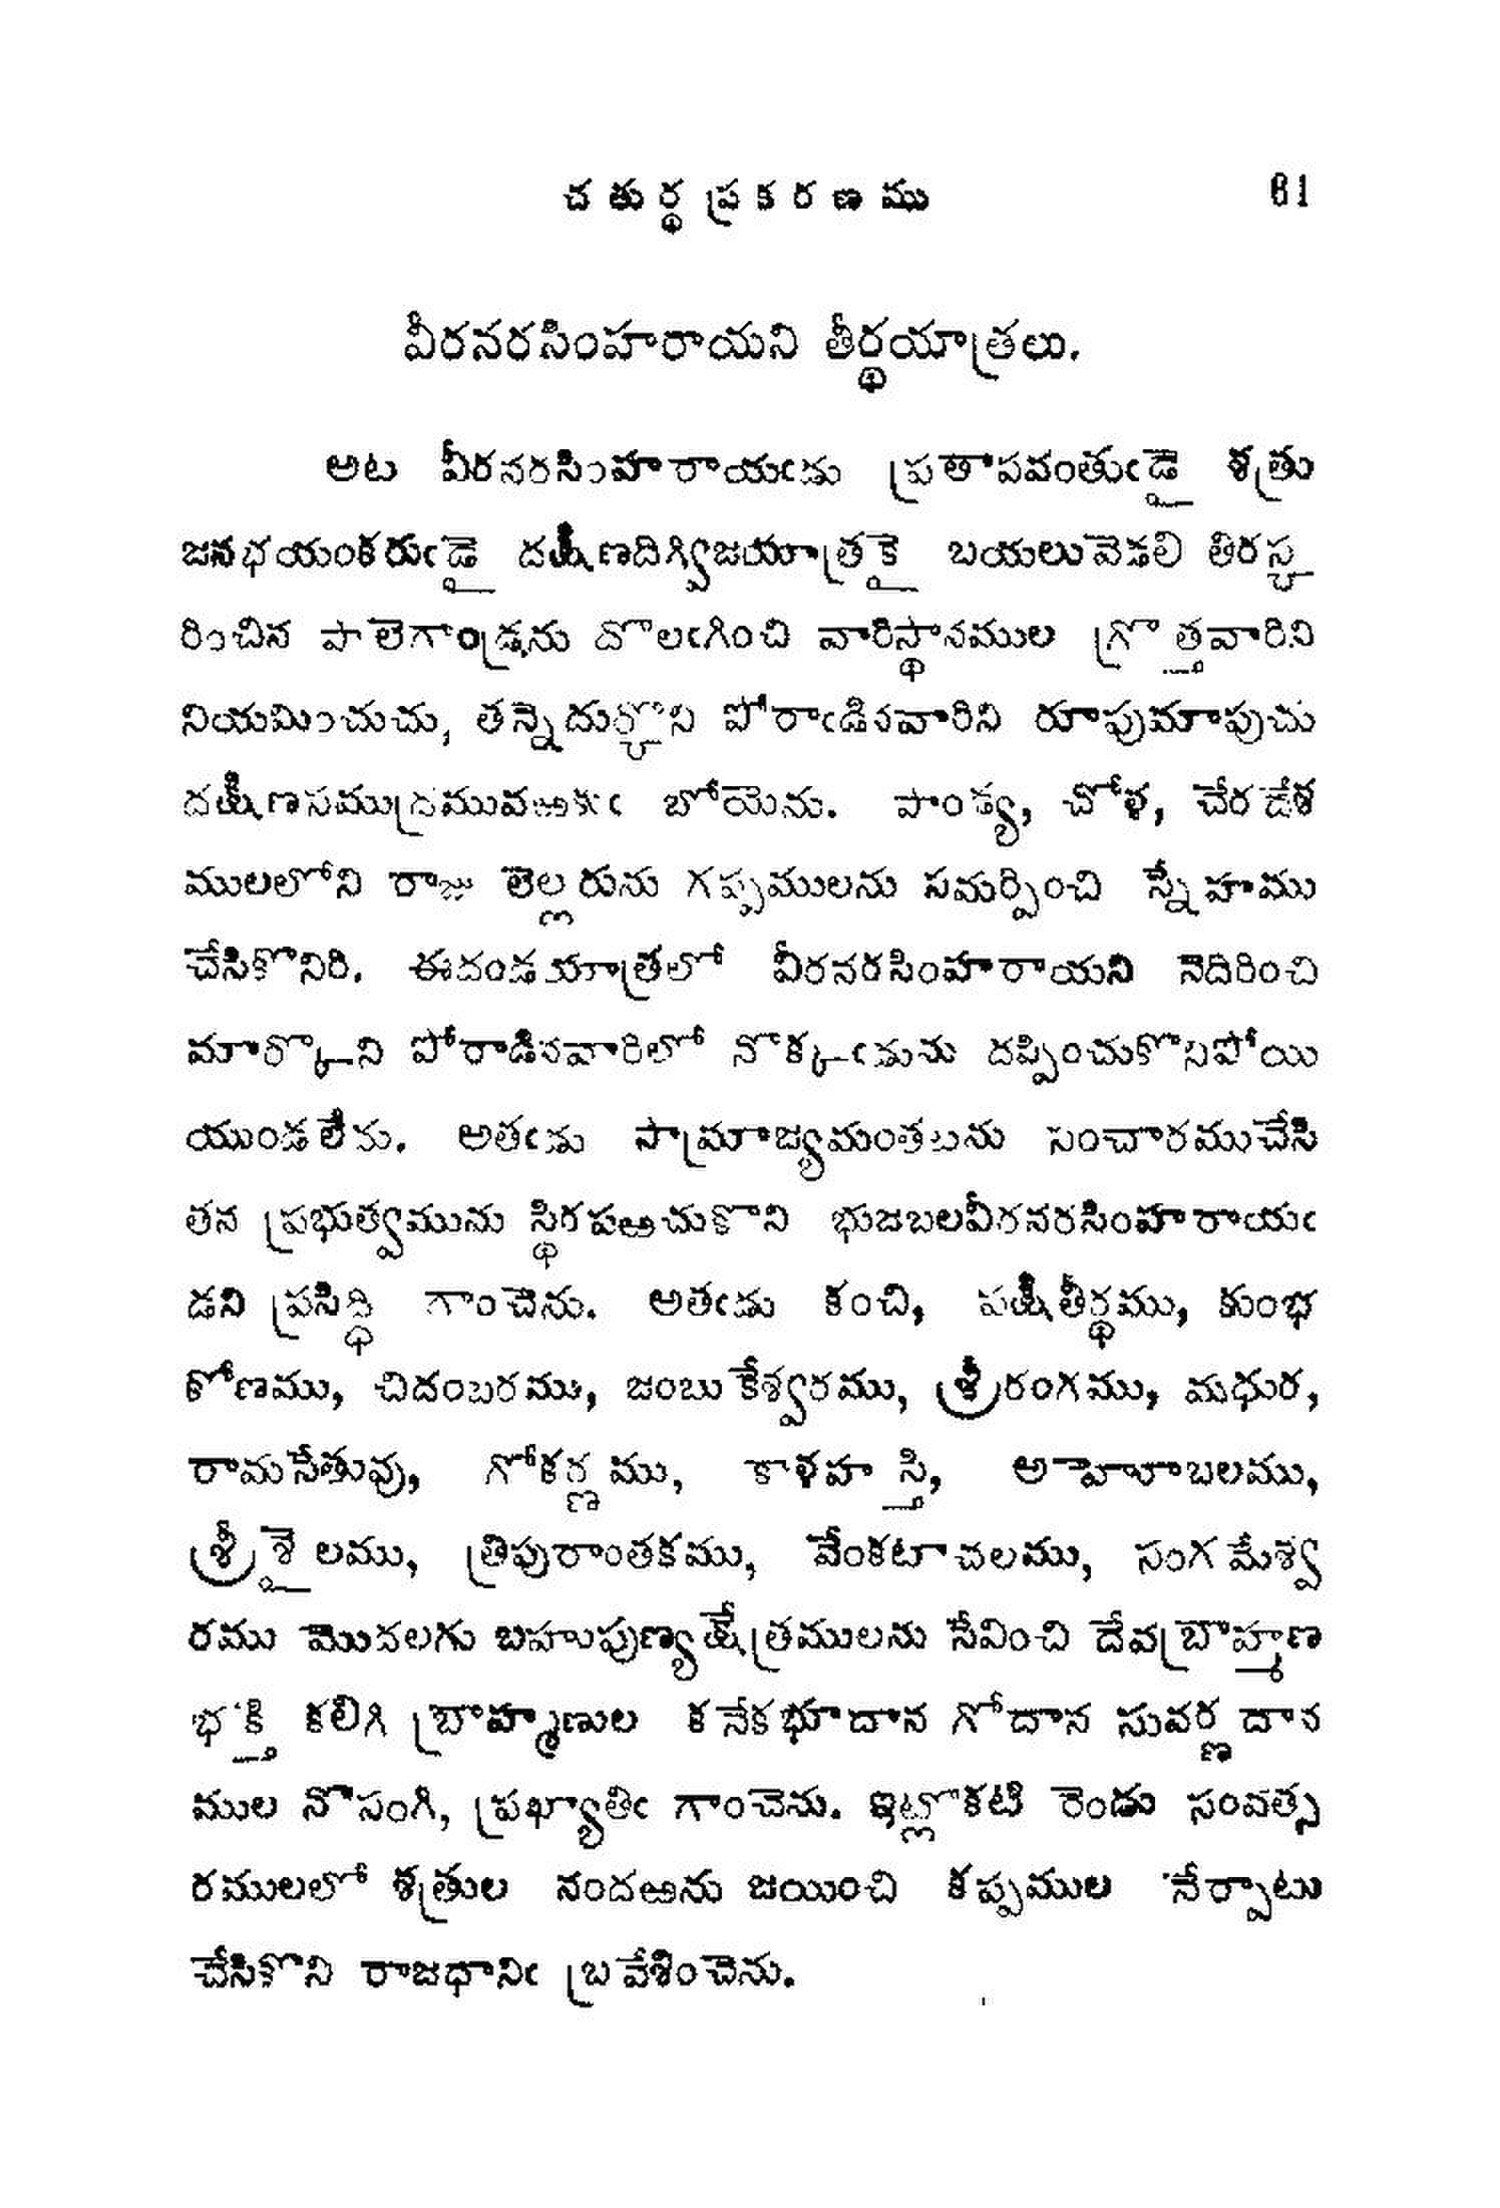వీరనరసింహరాయని తీర్థయాత్రలు.

అట వీరనరసింహరాయఁడు ప్రతాపవంతుఁడై శత్రుజనభయంకరుఁడై దక్షిణదిగ్విజయాత్రకై బయలువెడలి తిరస్కరించిన పాలెగాండ్రను దొలఁగించి వారిస్థానముల గ్రొత్తవారిని నియమించుచు, తన్నెదుర్కొని పోరాడినవారిని రూపుమాపుచు దక్ష్మిణసముద్రమువఱకుఁ బోయెను. పాండ్య, చోళ, చేరచేశములలోని రాజు లెల్లరును గప్పములను సమర్పించి స్నేహము చేసికొనిరి. ఈదండయాత్రలో వీరనరసింహరాయని నెదిరించి మార్కొని పోరాడిన వారిలో నొక్కఁడును దప్పించుకొనిపోయి యుండలేదు. అతఁడు సామ్రాజ్యమంతటను సంచారముచేసి తన ప్రభుత్వమును స్థిరపఱచుకొని భుజబలవీరనరసింహరాయఁ డని ప్రసిద్ధి గాంచెను. అతఁడు కంచి, పక్షితీర్ధము, కుంభకోణము, చిదంబరము, జంబుకేశ్వరము, శ్రీరంగము, మధుర, రామసేతువు, గోకర్ణము, కాళహస్తి, అహోబలము, శ్రీశైలము, త్రిపురాంతకము, వేంకటాచలము, సంగమేశ్వరము మొదలగు బహుపుణ్యక్షేత్రములను సేవించి దేవబ్రాహణ భక్తి కలిగి బ్రాహ్మణుల కనేకభూదాన గోదాన సువర్ణదానముల నొసంగి, ప్రఖ్యాతిఁ గాంచెను. ఇట్లొకటి రెండు సంవత్సరములలో శత్రుల నందఱను జయించి కప్పముల నేర్పాటు చేసికొని రాజధానిఁ బ్రవేశించెను.